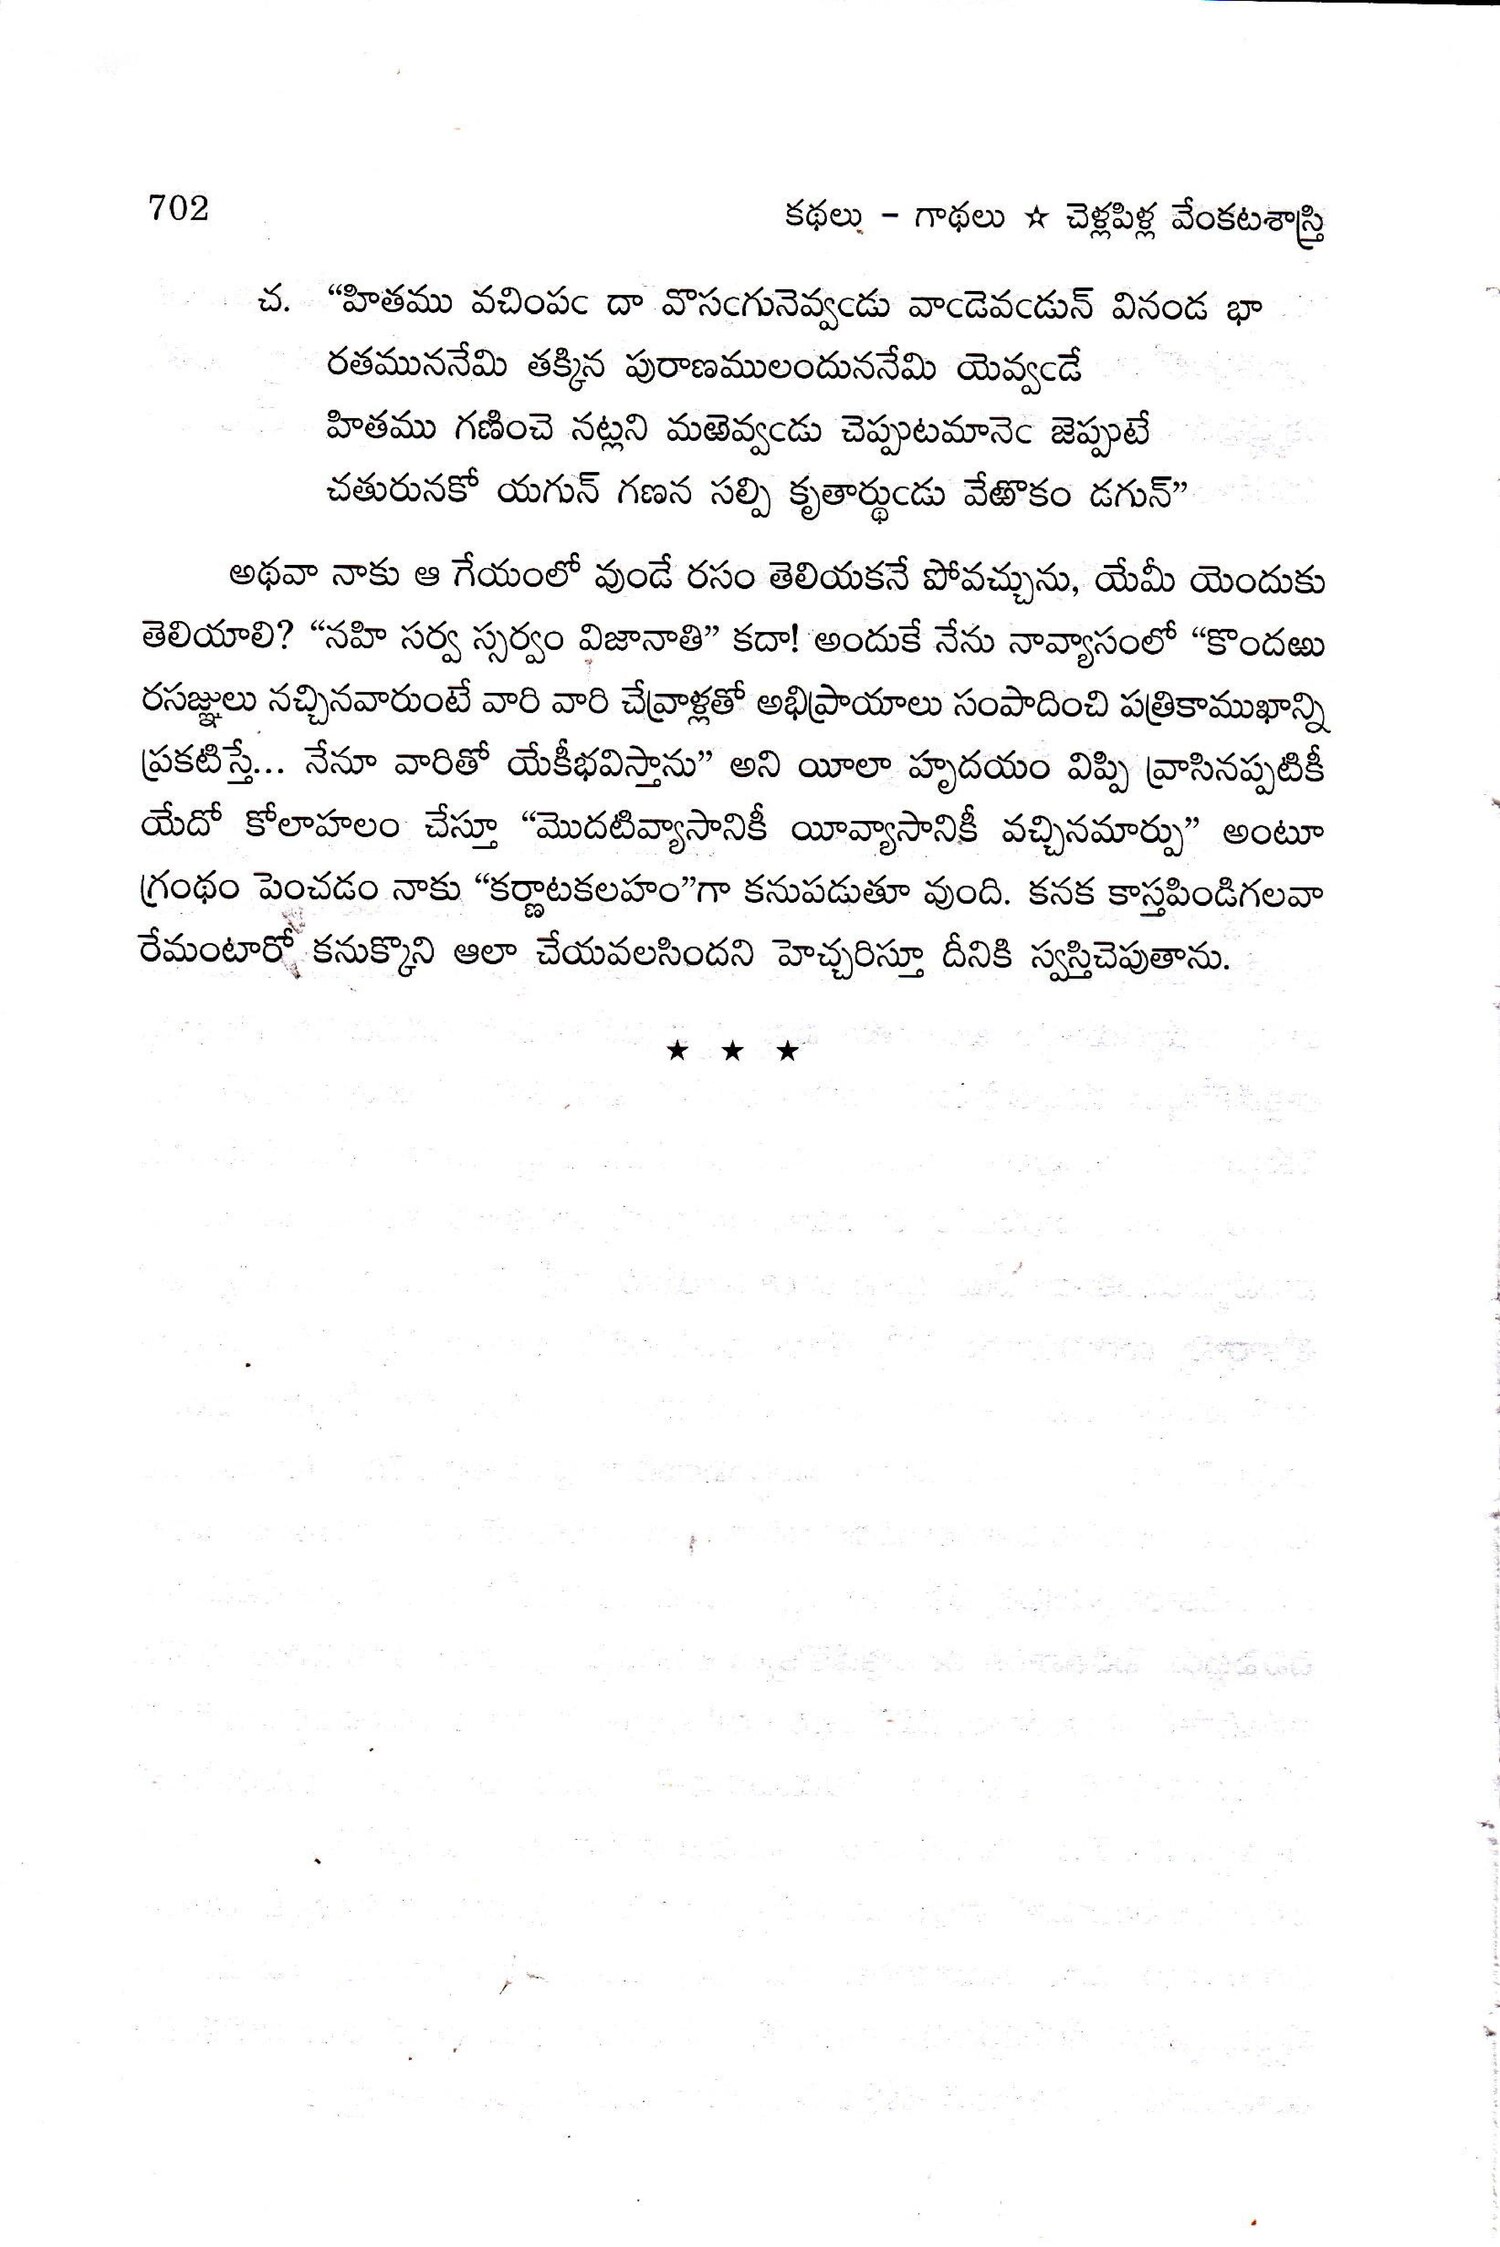చ. “హితము వచింపఁ దా వొసఁగునెవ్వఁడు వాఁడెవఁడున్ వినండ భా
 రతముననేమి తక్కిన పురాణములందుననేమి యెవ్వఁడే 
 హితము గణించె నట్లని మఱెవ్వఁడు చెప్పుటమానెఁ జెప్పుటే 
 చతురునకో యగున్ గణన సల్పి కృతార్థుఁడు వేఱొకం డగున్”
అథవా నాకు ఆ గేయంలో వుండే రసం తెలియకనే పోవచ్చును, యేమీ యెందుకు తెలియాలి? “నహి సర్వ స్సర్వం విజానాతి" కదా! అందుకే నేను నావ్యాసంలో "కొందఱు రసజ్ఞులు నచ్చినవారుంటే వారి వారి చేవ్రాళ్లతో అభిప్రాయాలు సంపాదించి పత్రికాముఖాన్ని ప్రకటిస్తే.. నేనూ వారితో యేకీభవిస్తాను" అని యీలా హృదయం విప్పి వ్రాసినప్పటికీ యేదో కోలాహలం చేస్తూ "మొదటివ్యాసానికీ యీవ్యాసానికీ వచ్చినమార్పు" అంటూ గ్రంథం పెంచడం నాకు "కర్ణాటకలహం"గా కనుపడుతూ వుంది. కనక కాస్త్రపిండిగలవా రేమంటారో కనుక్కొని ఆలా చేయవలసిందని హెచ్చరిస్తూ దీనికి స్వస్తిచెపుతాను.